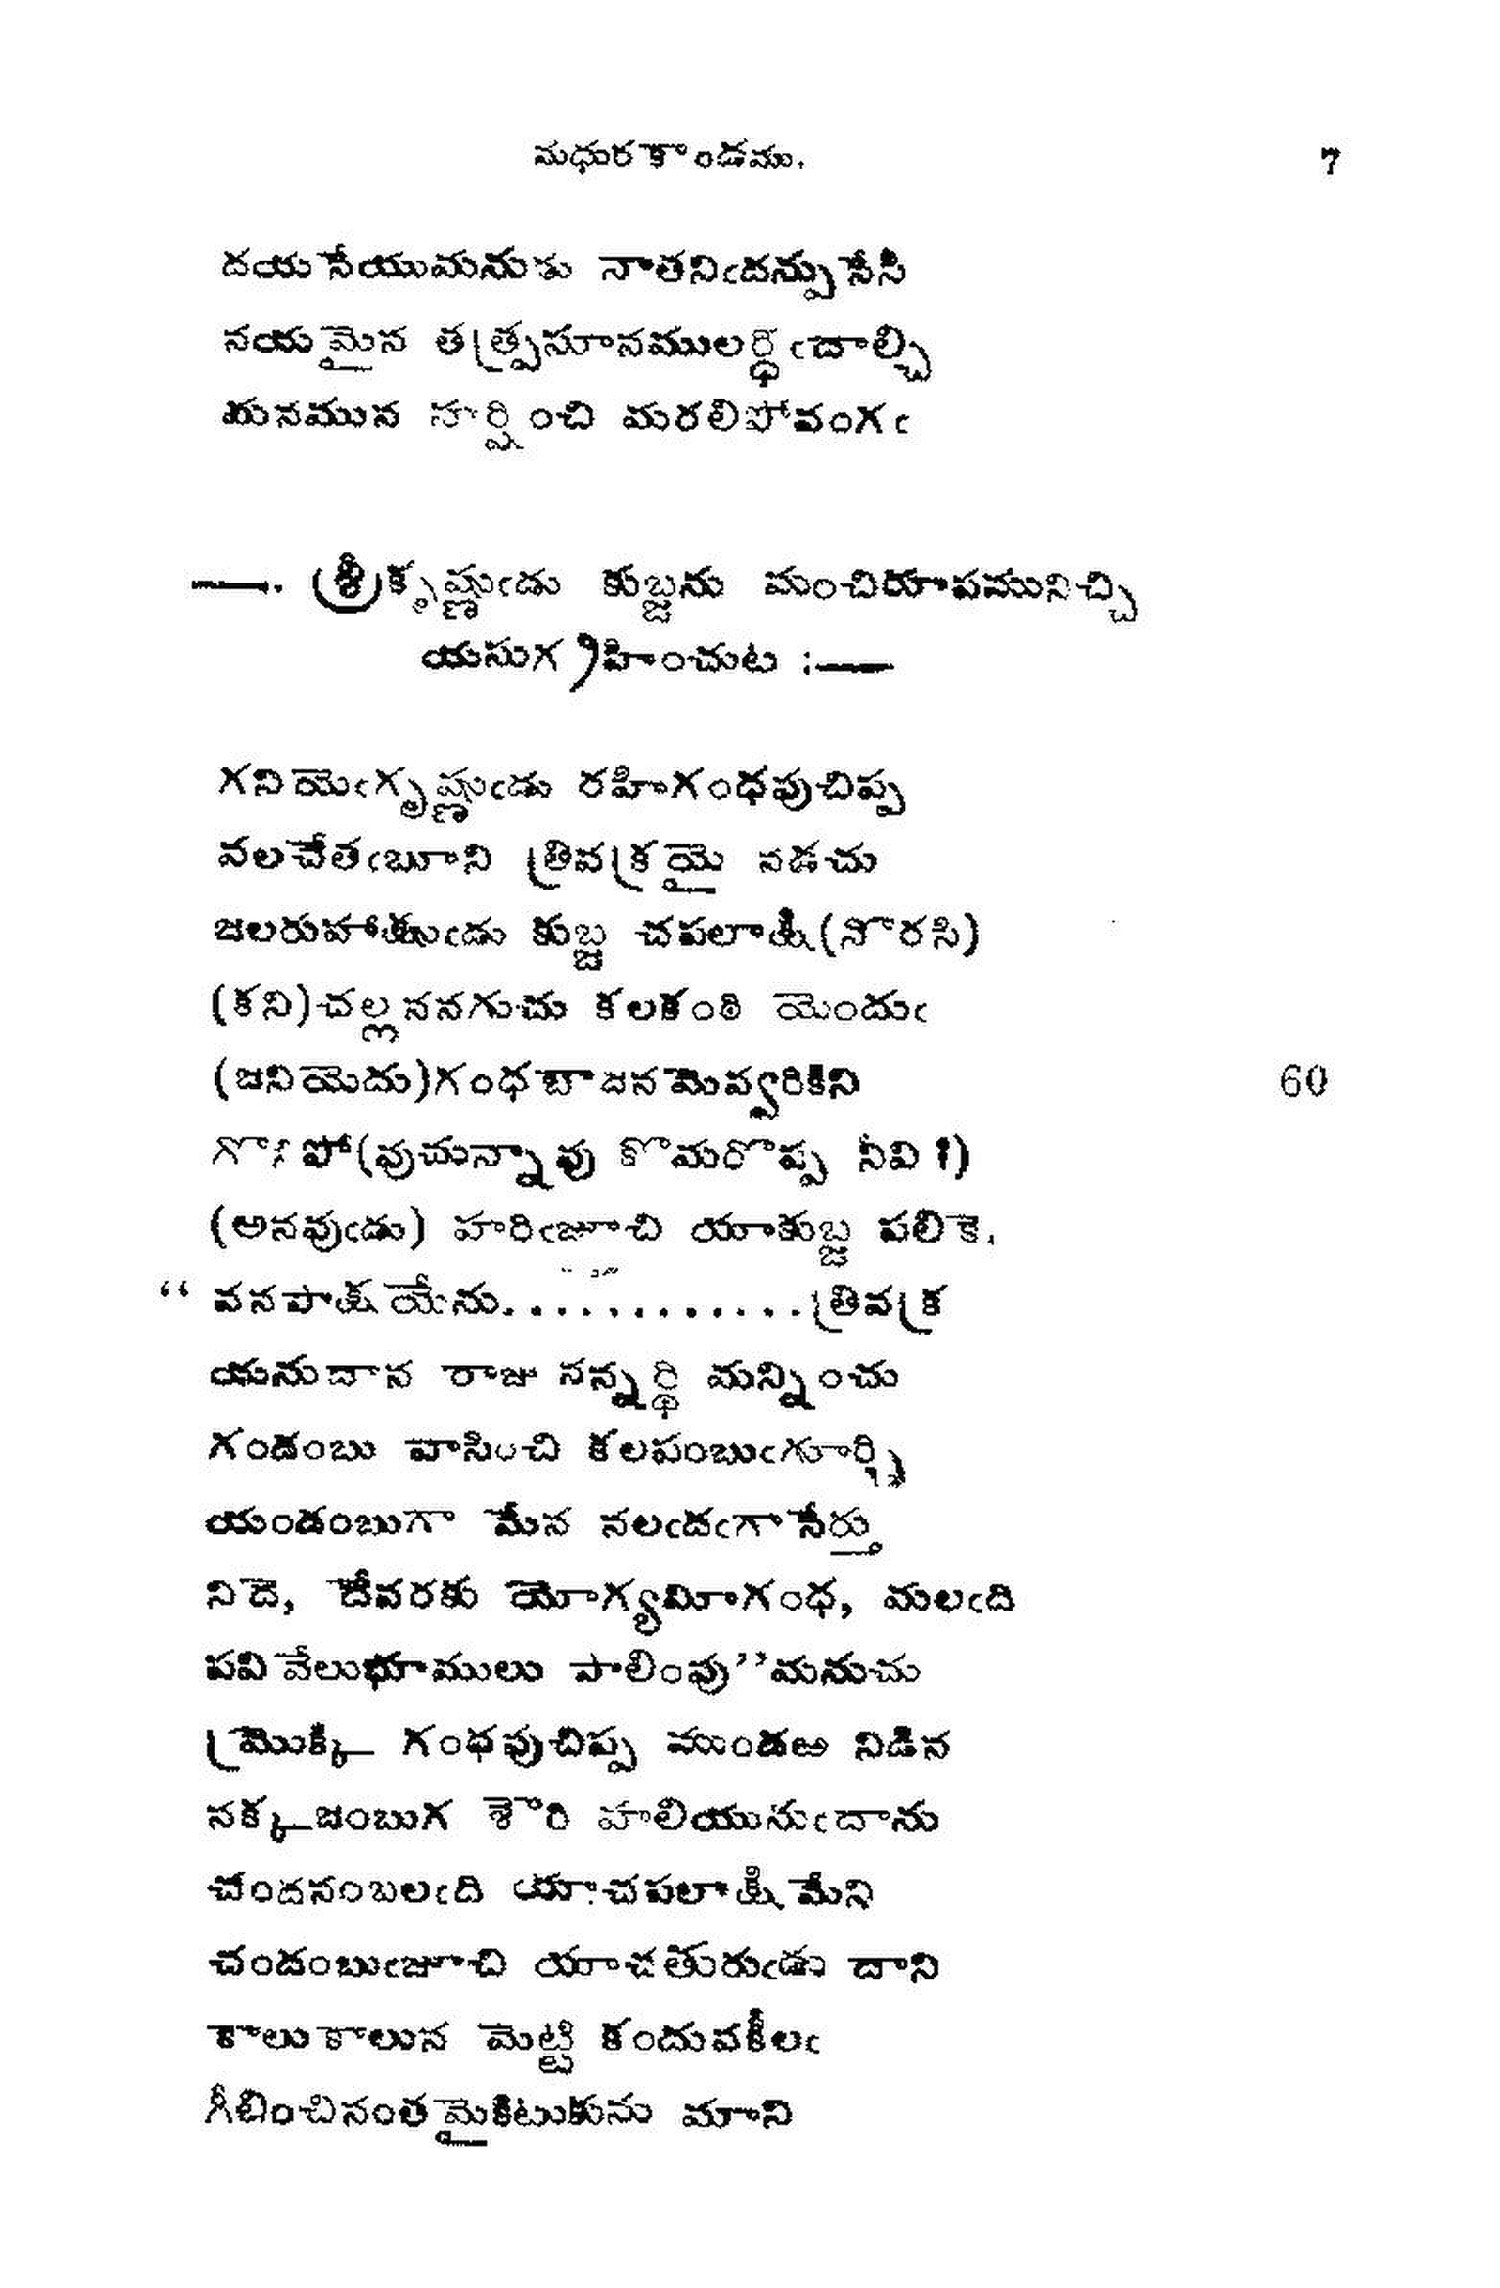దయసేయుమనుడు నాతనిఁదన్పు సేసి
నయమైన తత్ప్రసూనములర్థిఁ దాల్చి
మనమున హర్షించి మరలిపోవంగఁ

గనియెఁ గృష్ణుఁడు రహిగంధపుచిప్ప
వలచేతఁబూని త్రివక్రయై నడచు
జలరుహాక్షుఁడు కుబ్జ చపలాక్షి (నొరసి)
(కని) చల్లననగుచు కలకంఠి యెందుఁ
(జనియెదు) గంధబాజన మెవ్వరికిని
గొనిపో(వుచున్నావు కొమరొప్ప నీవి?)
(అనవుఁడు) హరిఁజూచి యాకుబ్జ పలికె.
“వనపాక్ష యేను...........త్రివక్ర
యనుదాన రాజు నన్నర్థి మన్నించు
గండంబు వాసించి కలపంబుఁగూర్చి
యందంబుగా మేన నలఁదఁగానేర్తు
నిది, దేవరకు యోగ్య మీగంధ, మలఁది
పవివేలుభూములు పాలింపు” మనుచు
మ్రొక్కి గంధపుచిప్ప ముందఱ నిడిన
నక్కజంబుగ శౌరి హలియునుఁ దాను
చందనంబలది యాచపలాక్షి మేని
చందంబుఁజూచి యాచతురుడు దాని
కాలు కాలున మెట్టి కందువకీలఁ
గీలించినంత మైకిటుకును మాని